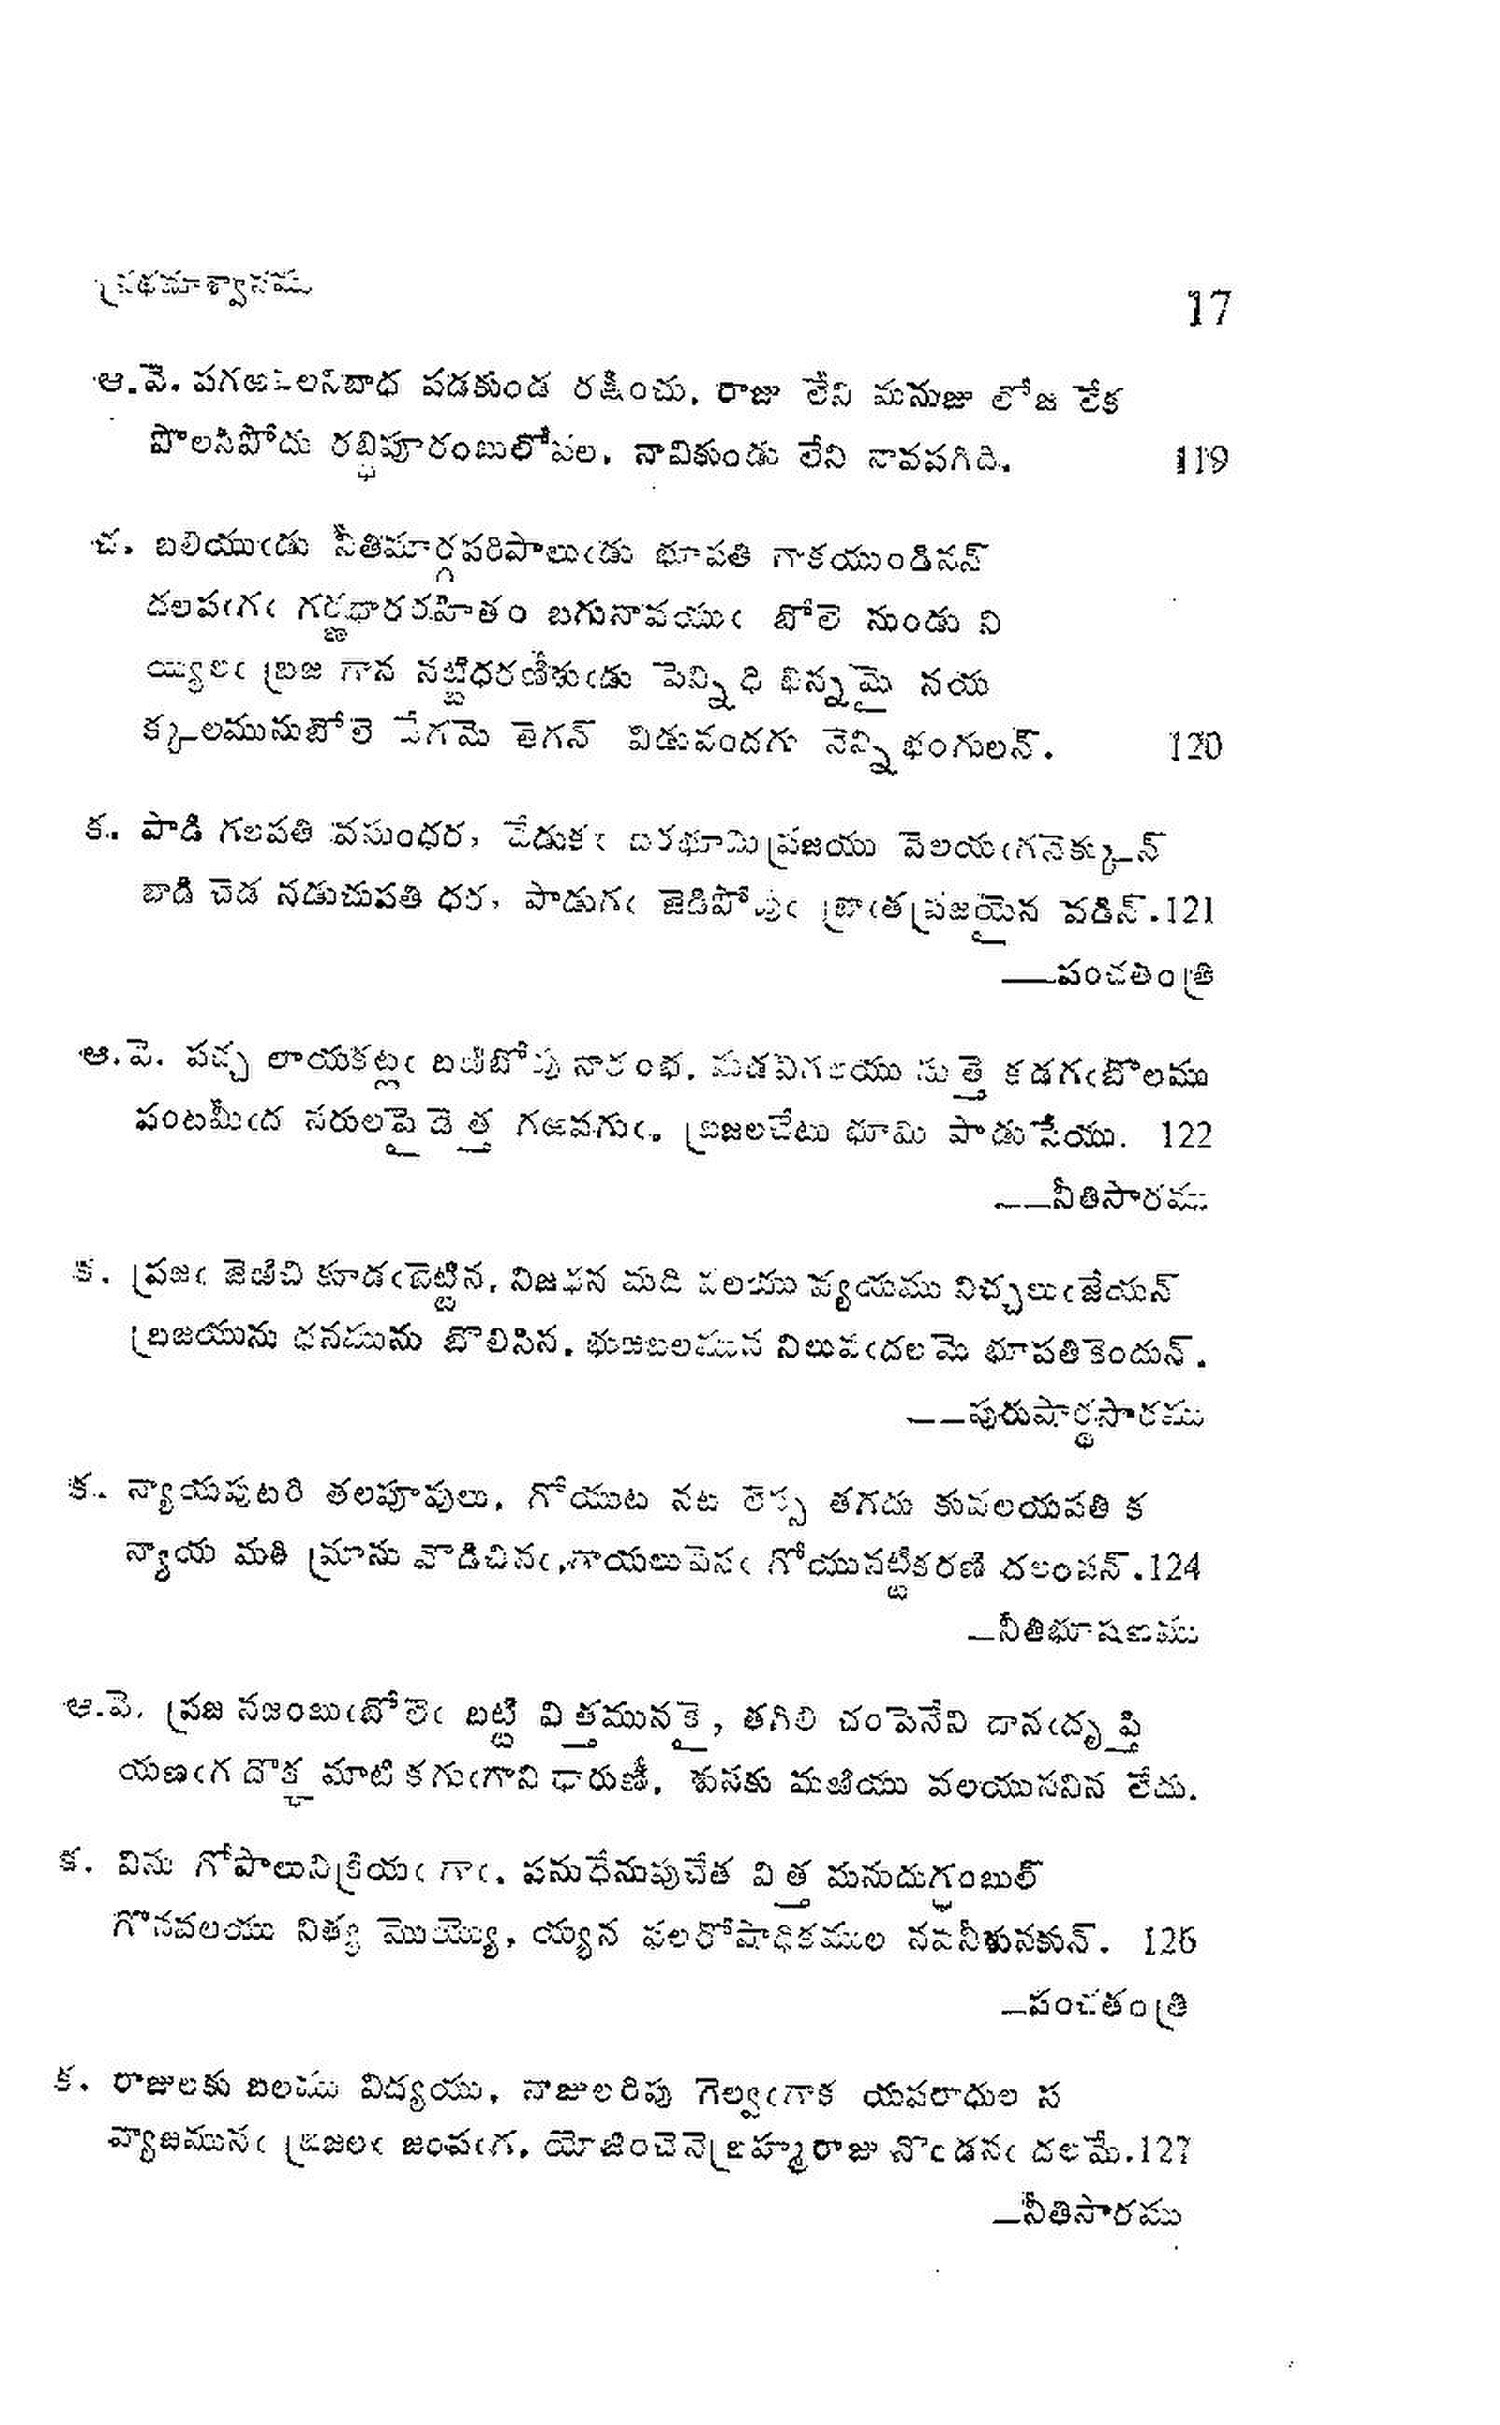ఆ. పగఱవలనిబాధ పడకుండ రక్షించు
రాజు లేని చోట మనుజు లోజ లేక
పొలసిపోదు రబ్ధిపూరంబులోపల
నావికుండు లేని నావపగిది. 119

చ. బలియుఁడు నీతిమార్గపరిపాలుఁడు భూపతి గాకయుండినన్
దలపఁగఁ గర్ణధారరహితం బగునావయుఁ బోలె నుండు ని
య్యిలఁ బ్రజ గాన నట్టి ధరణీశుఁడు పెన్నిధి భిన్నమై నయ
క్కలమునుబోలె వేగమె తెగన్ విడువందగు నెన్నిభంగులన్. 120

క. పాడి గలపతి వసుంధర
వేడుకఁ బరభూమిప్రజయు వెలయఁగనెక్కున్
బాడి చెడ నడుచుపతి ధర
పాడుగఁ జెడిపోవుఁ బ్రాఁతప్రజయైన వడిన్. 121

ఆ. పచ్చ లాయకట్లఁ బఱిబోవు నారంభ
మడవిగలయు సుత్తె కడగఁబొలము
పంటమీఁద నరులపైడెత్త గఱవగుఁ
బ్రజలచేటు భూమి పాడుసేయు. 122

క. ప్రజఁ జెఱచి కూడఁబెట్టిన
నిజధన మది వలయు వ్యయము నిచ్చలుఁజేయన్
బ్రజయును ధనమును బొలిసిన
భుజబలమున నిలువఁదలమె భూపతికెందున్. 123

క. న్యాయపుటరి తలపూవులు
గోయుట నట లెస్స తగదు కువలయపతి క
న్యాయ మరి మ్రాను వొడిచినఁ
గాయలు వెసఁ గోయునట్టి కరణి దలంపన్. 124

ఆ. ప్రజ నజంబుఁబోలెఁ బట్టి విత్తమునకై
తగిలి చంపెనేని దానఁదృప్తి
యణఁగ దొక్క మాటి కగుఁగాని ధారుణీ
శునకు మఱియు వలయుననిన లేదు. 125

క. విను గోపాలనిక్రియఁ గాఁ
పనుధేనువుచేత విత్త మనుదుగ్ధంబుల్
గొనవలయు నిత్య మొయ్యొ
య్యన ఫలరోషాధికముల నవనీశునకున్. 126

క. రాజులకు బలము విద్యయు
నాజులరిపు గెల్వఁగాక యపరాధుల న
వ్యాజమునఁ బ్రజలఁ జంపఁగ
యోజించెనె బ్రహ్మరాజు నొండనఁ దలమే. 127